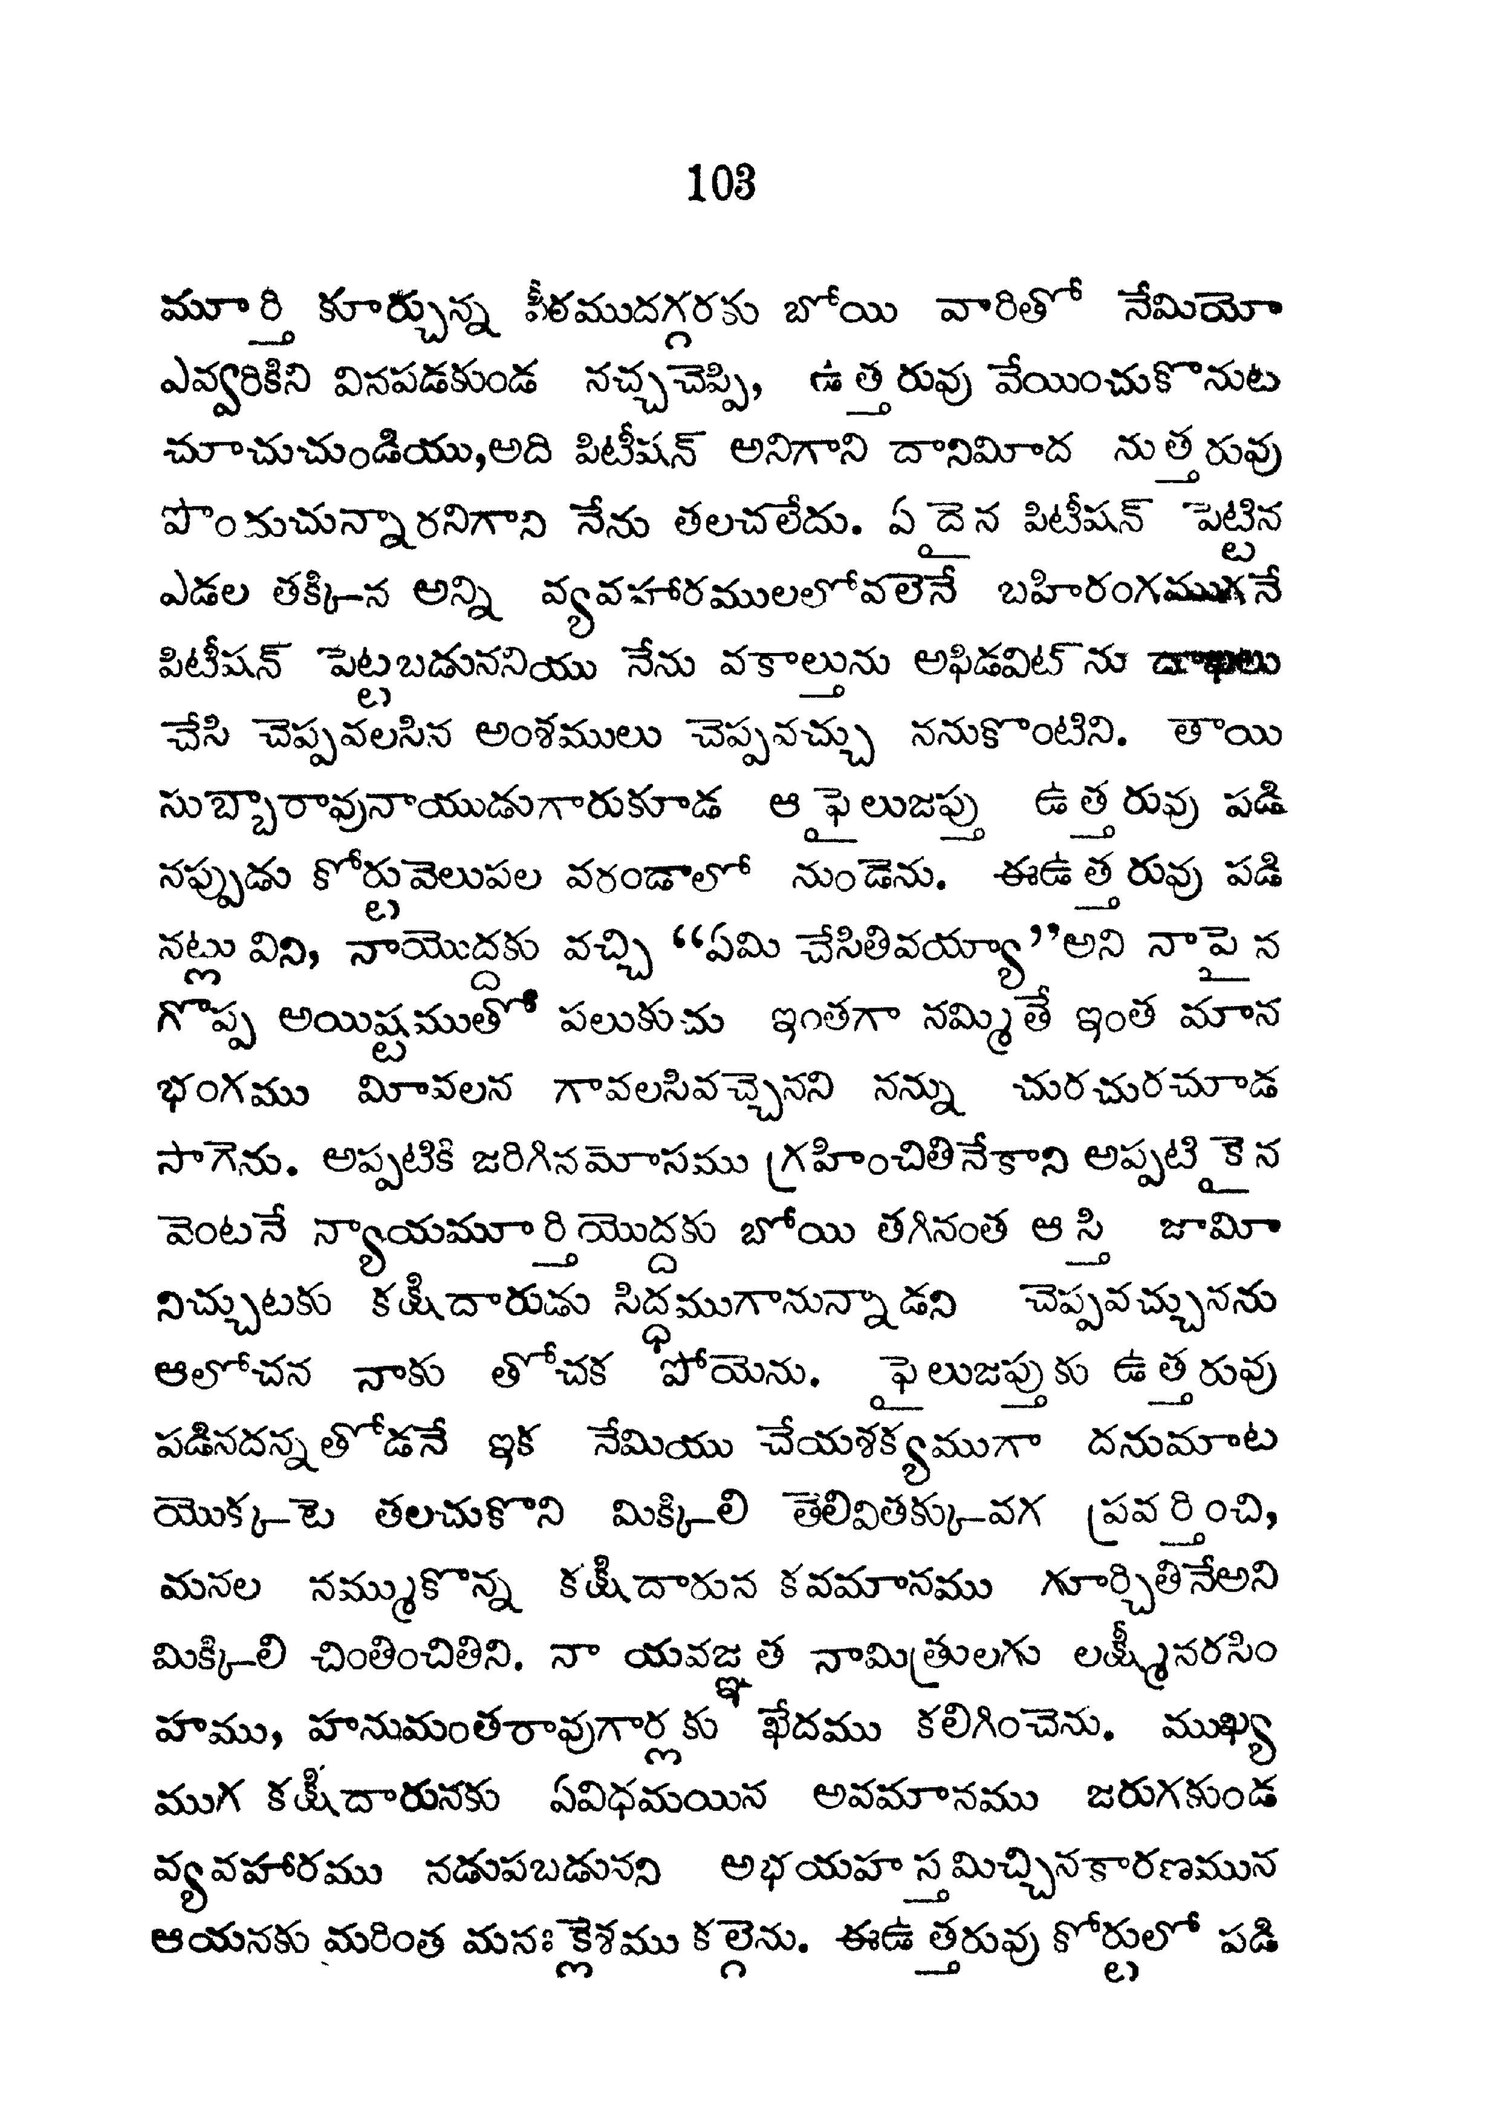మూర్తి కూర్చున్న పీఠముదగ్గరకు బోయి వారితో నేమియో ఎవ్వరికిని వినపడకుండ నచ్చచెప్పి, ఉత్తరువు వేయించుకొనుట చూచుచుండియు, అది, పిటీషన్ అనిగాని దానిమీద నుత్తరువు పొందుచున్నారనిగాని నేను తలచలేదు. ఏదైన పిటీషన్ పెట్టిన ఎడల తక్కిన అన్ని వ్యవహారములలోవలెనే బహిరంగముగనే పిటీషన్ పెట్టబడుననియు నేను వకాల్తును అఫిడివిట్‌ను దాఖలు చేసి చెప్పవలసిన అంశములు చెప్పవచ్చు ననుకొంటిని. తాయి సుబ్బారావునాయుడుగారుకూడ ఆఫైలుజప్తు ఉత్తరువు పడినప్పుడు కోర్టువెలుపల వరండాలో నుండెను. ఈఉత్తరువు పడినట్లు విని, నాయొద్దకు వచ్చి "ఏమి చేసితివయ్యా" అని నాపైన గొప్ప అయిష్టముతో పలుకుచు ఇంతగా నమ్మితే ఇంత మానభంగము మీవలన గావలసివచ్చెనని నన్ను చురచురచూడసాగెను. అప్పటికి జరిగినమోసము గ్రహించితినేకాని అప్పటికైన వెంటనే న్యాయమూర్తియొద్దకు బోయి తగినంత ఆస్తి జామీనిచ్చుటకు కక్షిదారుడు సిద్ధముగానున్నాడని చెప్పవచ్చునను ఆలోచన నాకు తోచక పోయెను. ఫైలుజప్తుకు ఉత్తరువు పడినదన్నతోడనే ఇక నేమియు చేయశక్యముగా దనుమాట యొక్కటె తలచుకొని మిక్కిలి తెలివితక్కువగ ప్రవర్తించి, మనల నమ్ముకొన్న కక్షిదారున కవమానము గూర్చితినేఅని మిక్కిలి చింతించితిని. నా యవజ్ఞత నామిత్రులగు లక్ష్మీనరసింహము, హనుమంతురావుగార్లకు ఖేదము కలిగించెను. ముఖ్యముగ కక్షిదారునకు ఏవిధమయిన అవమానము జరుగకుండ వ్యవహారము నడుపబడునని అభయహస్తమిచ్చినకారణమున ఆయనకు మరింత మన:క్లేశము కల్గెను. ఈఉత్తరువు కోర్టులో పడి